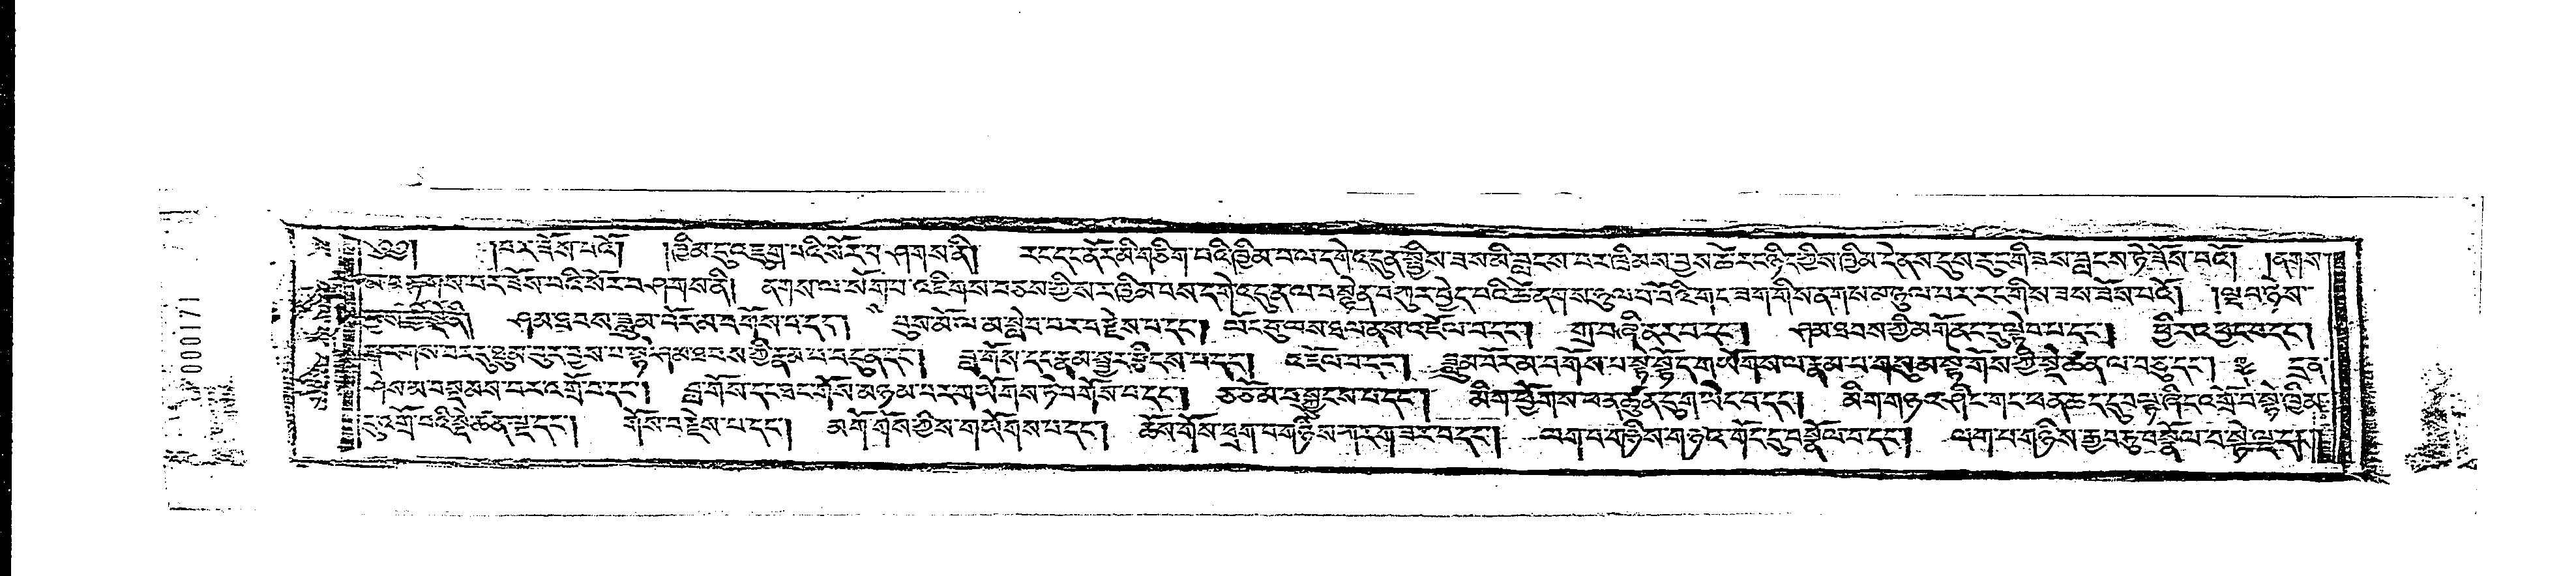༄༅། །བར་ཟོས་པའོ། །ཁྱིམ་དུ་འཇུག་པའི་སོར་བཤགས་ནི། རང་དང་ནོར་མི་གཅིག་པའི་ཁྱིམ་པ་ལ་དགེ་འདུན་སྤྱིས་ཟས་མི་བླངས་བར་ཁྲིམས་བྱས་ཚེ་རང་ཉིད་ཀྱིས་ཁྱིམ་དེ་ནས་དུས་རུང་གི་ཟས་བླངས་ཏེ་ཟོས་པའོ། །ནགས་
མ་བརྟགས་པར་ཟོས་པའི་སོར་བཤགས་ནི། ནགས་ལ་སོགས་པ་འཇིགས་བཅས་ཀྱི་སར་ཁྱིམ་པས་དགེ་འདུན་ལ་བསྙེན་བཀུར་བྱེད་པའི་ཚེ་ནགས་ཉུལ་བ་པོའི་གང་ཟག་གིས་ནགས་མ་ཉུལ་བར་རང་གིས་ཟས་ཟོས་པའོ། །ལྔ་པ་ཉེས་
བྱས་?ཚེ་སྡེ་ནི། ཤམ་ཐབས་ཟླུམ་པོར་མ་བགོས་པ་དང་། བུས་མོ་ལ་མ་སླེབ་པར་བརྗེས་པ་དང་། ལོང་བུ་ལས་ཐལ་ནས་འཇོལ་བ་དང་། གྲ་བཞི་ནར་བ་དང་། ཤམ་ཐབས་ཀྱི་མགོ་ནང་དུ་ལྟེབ་པ་དང་། ཕྱིར་འཕྱང་བ་དང་།
སྐ་རགས་བར་དུ་ཐུམ་བུར་བྱས་པ་སྟེ་ཤམ་ཐབས་ཀྱི་རྣམ་པ་བདུན་དང་། བླ་གོས་དང་རྣམ་སྦྱར་རྩིངས་པ་དང་། འཇོལ་བ་དང་། ཟླུམ་པོར་མ་བགོས་པ་སྟེ་སྟོད་གཡོགས་ལ་རྣམ་པ་གསུམ་སྟེ་གོས་ཀྱི་སྡེ་ཚན་ལ་བཅུ་དང་། ༈ དྲན་
ཤེས་མ་བསྡམས་པར་འགྲོ་བ་དང་། བླ་གོས་དང་ཐང་གོས་མཉམ་པར་གཡོགས་ཏེ་བགོས་པ་དང་། ཅ་ཅོམ་བསྐྱུངས་པ་དང་། མིག་ཕྱོགས་ཕན་ཚུན་དུ་གཡེང་བ་དང་། མིག་གཉའ་ཤིང་གང་ཕན་ཆད་དུ་བལྟ་ཞིང་འགྲོ་བ་སྟེ་ཁྱིམ་
དུ་འགྲོ་བའི་སྡེ་ཚན་ལྔ་དང་། གོས་བརྗེས་པ་དང་། མགོ་གོས་ཀྱིས་གཡོགས་པ་དང་། ཆོས་གོས་ཕྲག་པ་གཉིས་ཀར་གཟར་བ་དང་། ལག་པ་གཉིས་གཉའ་གོང་དུ་བསྣོལ་བ་དང་། ལག་པ་གཉིས་རྒྱབ་ཏུ་བསྣོལ་བ་སྟེ་ལྔ་དང་།